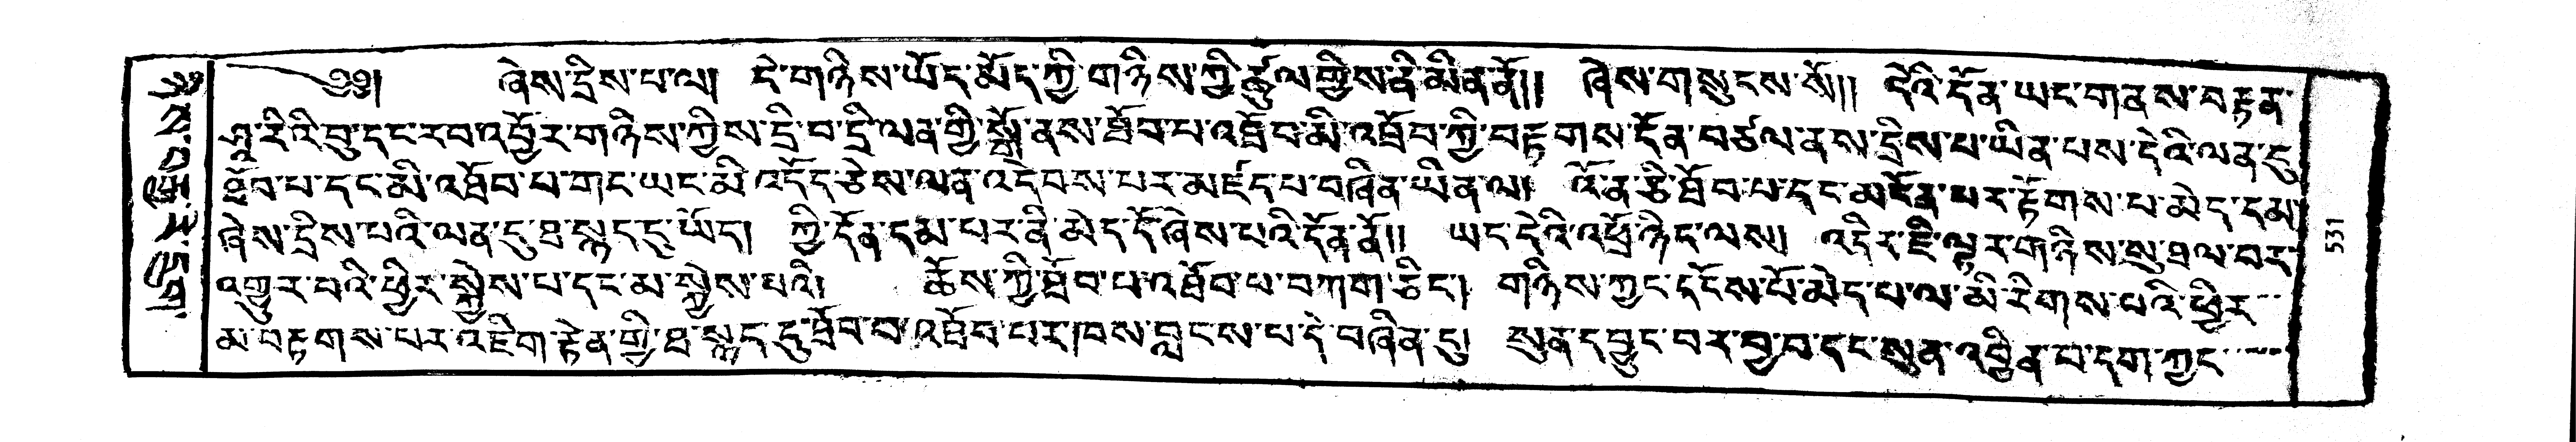༄༅། །ཞེས་དྲིས་པ་ལ། དེ་གཉིས་ཡོད་མོད་ཀྱི་གཉིས་ཀྱི་ཚུལ་གྱིས་ནི་མིན་ནོ། །ཞེས་གསུངས་སོ། །དེའི་དོན་ཡང་གནས་བརྟན་
ཤཱ་རིའི་བུ་དང་རབ་འབྱོར་གཉིས་ཀྱིས་དྲི་བ་དྲི་ལན་གྱི་སྒོ་ནས་ཐོབ་པ་འཐོབ་མི་འཐོབ་ཀྱི་བརྟགས་དོན་བཙལ་ནས་དྲིས་པ་ཡིན་པས་དེའི་ལན་དུ་
ཐོབ་པ་དང་མི་འཐོབ་པ་གང་ཡང་མི་འདོད་ཅེས་ལན་འདེབས་པར་མཛད་པ་བཞིན་ཡིན་ལ། འོ་ན་ཅི་ཐོབ་པ་དང་མངོན་པར་རྟོགས་པ་མེད་དམ་
ཞེས་དྲིས་པའི་ལན་དུ་ཐ་སྙད་དུ་ཡོད། ཀྱི་དོན་དམ་པར་ནི་མེད་དོ་ཞེས་པའི་དོན་ནོ། །ཡང་དེའི་འཕྲོ་ཉིད་ལས། འདིར་ཇི་ལྟར་གཉིས་སུ་ཐལ་བར་
འགྱུར་པའི་ཕྱིར་སྐྱེས་པ་དང་མ་སྐྱེས་པའི། ཆོས་ཀྱི་ཐོབ་པ་འཐོབ་པ་བཀག་ཅིང་། གཉིས་ཀྱང་དངོས་པོ་མེད་པ་ལ་མི་རིགས་པའི་ཕྱིར་
མ་བརྟགས་པར་འཇིག་རྟེན་གྱི་ཐ་སྙད་དུ་ཐོབ་པ་འཐོབ་པར་ཁས་བླངས་པ་དེ་བཞིན་དུ། སུན་དབྱུང་བར་བྱ་བ་དང་སུན་འབྱིན་པ་དག་ཀྱང་